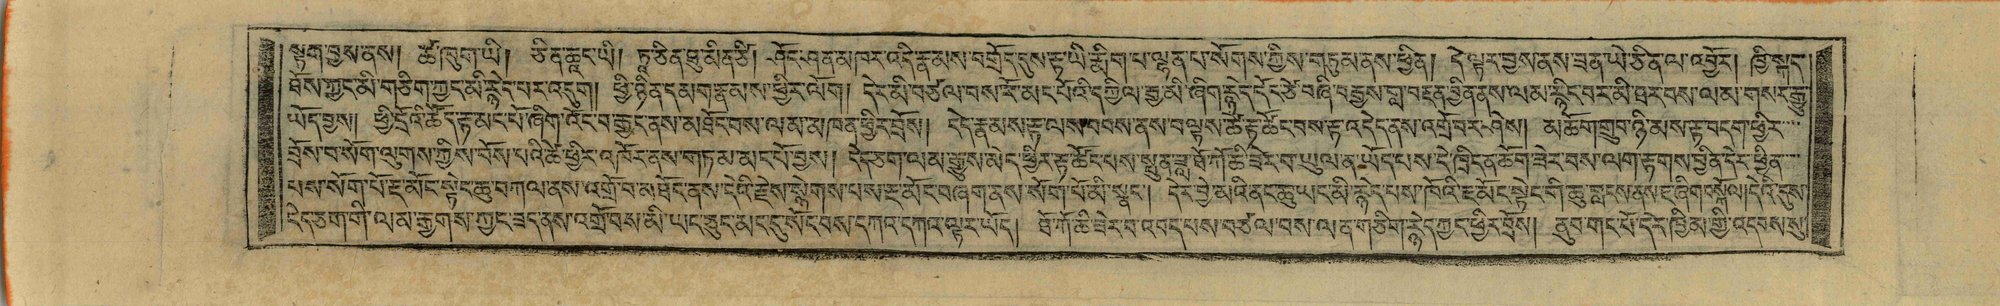སྟག་བྱས་ནས། ཚ་ཁུག་ཡི། ཅིན་འཆང་ཡི། ཏཱ་ཅིན་ཐུ་མིན་ཙི། ཤོང་ཤན་མཁར་འདི་རྣམས་བགྲོད་དུས་རྟ་ཡི་རྨིག་པ་ལྷན་པ་སོགས་ཀྱིས་གཏུམ་ནས་ཕྱིན། དེ་ལྟར་བྱས་ནས་ཟན་ཡི་ཅིན་ལ་འབྱོར། ཁྱི་སྐད་
ཐོས་ཀྱང་མི་གཅིག་ཀྱང་མི་རྙེད་པར་འདུག །ཕྱི་ཉིན་དམག་རྣམས་ཕྱིར་ལོག །དེར་མི་བཙལ་བས་རོ་མང་པོའི་དཀྱིལ་རྒྱ་མི་ཞིག་རྙེད་དོང་ཙེ་བཞི་བརྒྱས་གླ་བརྔན་བྱིན་ནས་ལམ་རྙིང་བར་མི་ཐར་བས་ལམ་གསར་རྒྱུ་
ཡོད་བྱས། ཕྱི་དྲོའི་ཚོད་རྟ་མང་པོ་ཞིག་འོང་བ་རྒྱང་ནས་མཐོང་བས་ལམ་མཁན་ཕྱིར་བྲོས། ངེད་རྣམས་རྟ་ལས་བབས་ནས་བལྟས་ཚེ་རྟ་ཚོང་བས་རྟ་འདེད་ནས་འགྲོ་བར་ཤེས། མཆོག་གྲུབ་ཉི་མས་རྟ་བདག་ཕྱིར་
བྲོས་བ་སོག་ལུགས་ཀྱིས་བོས་པའི་ཚེ་ཕྱིར་འཁོར་ནས་གཏམ་མང་པོ་བྱས། ངེད་ཅག་ལམ་རྒྱུས་མེད་ཕྱིར་རྟ་ཚོང་པས་སྤུན་ཟླ་ཐོ་ཀོ་ཆི་ཟེར་བ་ཡུལ་ན་ཡོད་པས་དེ་ཁྲིད་ན་ཆོག་ཟེར་བས་ལག་རྟགས་བྱིན་དེར་ཕྱིན་
པས་སོག་པོ་རྔ་མོང་སྟེང་ཆུ་བཀལ་ནས་འགྲོ་བ་མཐོང་ནས་དེའི་རྗེས་སྙེགས་པས་རྔ་མོང་བཞག་ནས་སོག་པོ་མི་སྣང་། དེར་བྱེ་མའི་ནང་ཆུ་ཡང་མི་རྙེད་པས་ཁོའི་རྔ་མོང་སྟེང་གི་ཆུ་བླངས་ནས་ཇ་ཞིག་བསྐོལ། དེའི་དུས་
ངེད་ཅག་གི་ལམ་རྒྱགས་ཀྱང་ཟད་ནས་འགྲོ་བས་མི་ཡང་ཅུང་མང་དུ་སོང་བས་དཀའ་དཀའ་ལྟར་ཡོད། ཐོ་ཀོ་ཆི་ཟེར་བ་འབད་པས་བཙལ་བས་ལན་གཅིག་རྙེད་ཀྱང་ཕྱིར་བྲོས། ནུབ་གང་པོ་དེར་ཁྱིམ་གྱི་འདབས་སུ་